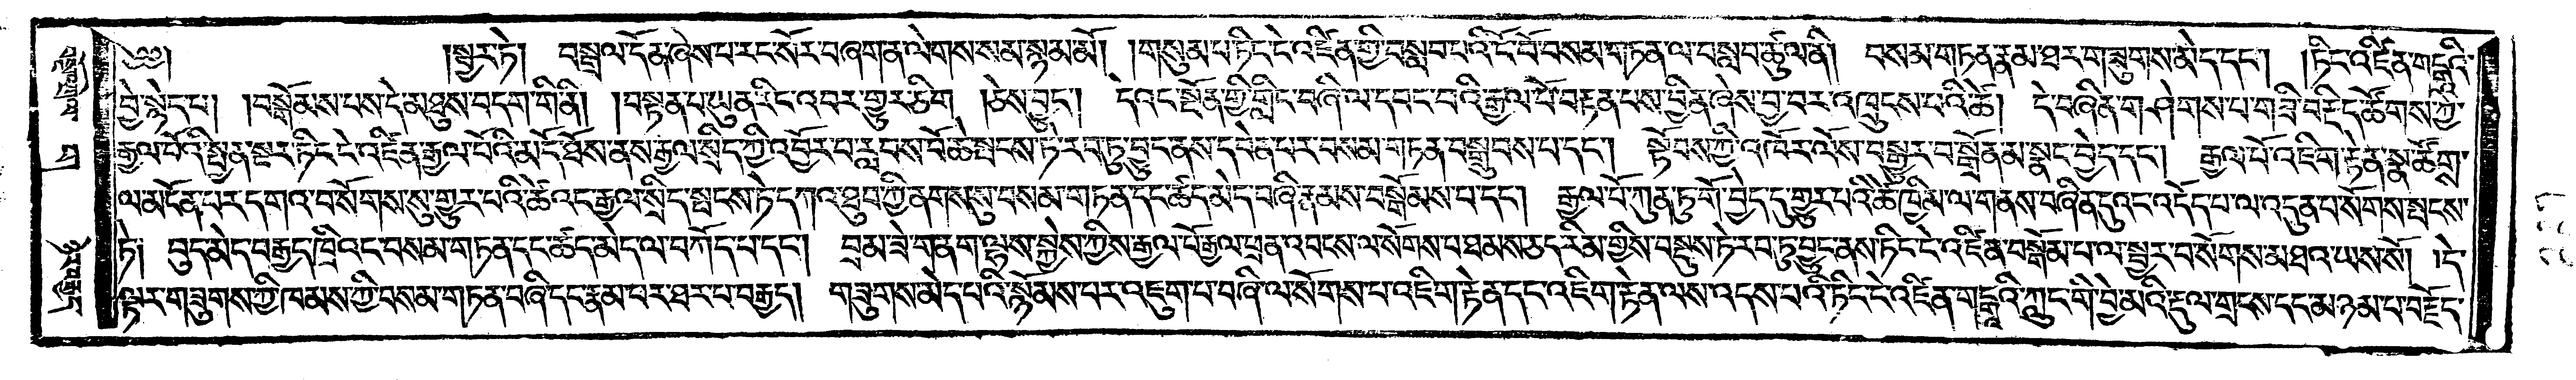༄༅། །སྦྱར་ཏེ། བསྒྲལ་དོན་ཞེས་པ་རང་སོར་བཞག་ན་ལེགས་སམ་སྙམ་མོ། །གསུམ་པ་ཏིང་ངེ་འཛིན་གྱི་བསླབ་པའི་ངོ་བོ་བསམ་གཏན་ལ་བསླབ་ཚུལ་ནི། བསམ་གཏན་རྣམ་ཐར་གཟུགས་མེད་དང་། །ཏིང་འཛིན་གངྒཱའི་
བྱེ་སྙེད་པ། །བསྒོམས་པས་དེ་མཐུས་བདག་གི་ནི། །བསྟན་པ་ཡུན་རིང་འབར་གྱུར་ཅིག །ཅེས་བྱུང་། དེའང་སྔོན་གྱི་གླིང་བཞི་དབང་བའི་རྒྱལ་པོ་བརྟན་པས་བྱིན་ཞེས་བྱ་བར་འཁྲུངས་པའི་ཚེ། དེ་བཞིན་གཤེགས་པ་གཟི་བརྗིད་ཚོགས་ཀྱི་
རྒྱལ་པོའི་སྤྱན་སྔར་ཏིང་ངེ་འཛིན་རྒྱལ་པོའི་མདོ་ཐོས་ནས་རྒྱལ་སྲིད་ཀྱི་འབྱོར་བ་རླབས་པོ་ཆེ་སྤངས་ཏེ་རབ་ཏུ་བྱུང་ནས་དབེན་པར་བསམ་གཏན་བསྒྲུབས་པ་དང་། སྟོབས་ཀྱི་འཁོར་ལོས་བསྒྱུར་བ་སྒྲོན་མ་སྣང་བྱེད་དང་། རྒྱལ་པོ་འཇིག་རྟེན་སྣ་ཚོགས་
ལ་མངོན་པར་དགའ་བ་སོགས་སུ་གྱུར་བའི་ཚེའང་རྒྱལ་སྲིད་སྤངས་ཏེ་དཀའ་ཐུབ་ཀྱི་ནགས་སུ་བསམ་གཏན་དང་ཚད་མེད་བཞི་རྣམས་བསྒོམས་པ་དང་། རྒྱལ་པོ་ཀུན་ཏུ་གོ་བྱེད་དུ་གྱུར་པའི་ཚེ་ཁྱིམ་ལ་གནས་བཞིན་དུའང་འདོད་བ་ལ་འདུན་ཕ་སོགས་སྤངས་
ཏེ༑ བུད་མེད་བརྒྱད་ཁྲིའང་བསམ་གཏན་དང་ཚད་མེད་ལ་བཀོད་པ་དང་། བྲམ་ཟེ་གནག་ལྷས་སྐྱེས་ཀྱིས་རྒྱལ་པོ་རྒྱལ་ཕྲན་འབངས་ལ་སོགས་པ་ཐམས་ཅད་རིམ་གྱིས་བསྡུས་ཏེ་རབ་ཏུ་བྱུང་ནས་ཏིང་ངེ་འཛིན་བསྒོམ་པ་ལ་སྦྱར་བ་སོགས་མཐའ་ཡས་སོ། །དེ་
ལྟར་གཟུགས་ཀྱི་ཁམས་ཀྱི་བསམ་གཏན་བཞི་དང་རྣམ་བར་ཐར་པ་བརྒྱད། གཟུགས་མེད་པའི་སྙོམས་པར་འཇུག་པ་བཞི་ལ་སོགས་པ་འཇིག་རྟེན་དང་འཇིག་རྟེན་ལས་འདས་པའི་ཏིང་ངེ་འཛིན་གངྒཱའི་ཀླུང་གི་བྱེ་མའི་རྡུལ་གྲངས་དང་མཉམ་པ་བརྗོད་